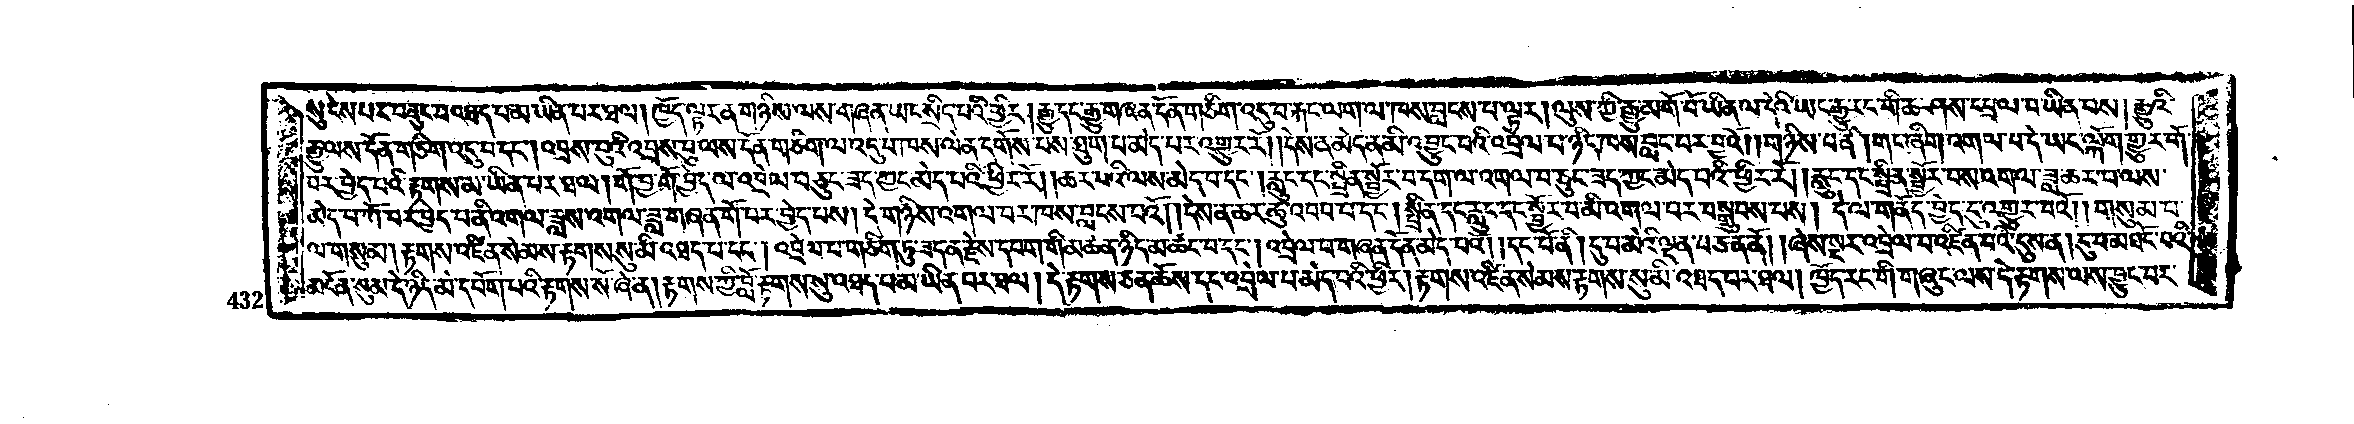སུ་ངེས་པར་བཟུང་བ་འཐད་པ་མ་ཡིན་པར་ཐལ། ཁྱོད་ལྟར་ན་གཉིས་ལས་གཞན་ཡང་སྲིད་པའི་ཕྱིར། རྒྱུ་དང་རྒྱུ་གཞན་དོན་གཅིག་འདུ་བ་རྐང་ལག་ལ་ཁས་བླངས་པ་ལྟར། ལུས་ཀྱི་རྒྱུ་གོ་བོ་ཡིན་ལ་དེའི་ཡང་རྒྱུ་རང་གི་ཆ་ཤས་དཔྲལ་བ་ཡིན་པས། རྒྱུའི་
རྒྱུ་ལས་དོན་གཅིག་འདུ་བ་དང་། འབྲས་བུའི་འབྲས་བུ་ལས་དོན་གཅིག་ལ་འདུ་པ་ཁས་ལེན་དགོས་པས་ཐུག་པ་མེད་པར་འགྱུར་རོ། །དེས་ན་མེད་ན་མི་འབྱུང་བའི་འབྲེལ་པ་ཉིད་ཁས་བླང་བར་བྱའོ། །གཉིས་པ་ནི། གང་ཞིག་འགལ་པ་དེ་ཡང་ལྐོག་གྱུར་གོ་
བར་བྱེད་པའི་རྟགས་མ་ཡིན་པར་ཐལ། གོ་བྱ་གོ་བྱེད་ལ་འབྲེལ་བ་ཅུང་ཟད་ཀྱང་མེད་པའི་ཕྱིར་རོ། །ཆར་པའི་ལས་མེད་པ་དང་། རླུང་དང་སྤྲིན་སྦྱོར་བ་དག་ལ་འགལ་བ་ཅུང་ཟད་ཀྱང་དེ་པའི་ཕྱིར་རོ། །རླུང་དང་སྤྲིན་སྦྱོར་བས་འགལ་ཟླ་ཆར་བ་ལས་
མེད་པ་གོ་བར་བྱེད་པ་ནི་འགལ་ཟླས་འགལ་ཟླ་ཞན་གོ་བར་བྱེད་པས། དེ་གཉིས་འགལ་བར་ཁས་བླངས་པའོ། །དེས་ན་ཆར་ཆུ་འབབ་པ་དང་། སྤྲིན་དང་རླུང་དང་སྦྱོར་བ་མི་འགལ་བར་བསྒྲུབས་པས། དེ་ལ་གནོད་བྱེད་དུ་འགྱུར་བའོ། །གསུམ་པ་
ལ་གསུམ། རྟགས་འཛིན་སེམས་རྟགས་སུ་མི་འཐད་དང་། འབྲེལ་བ་གཅིག་ཏུ་ཟད་ན་རྗེས་དཔག་གི་མཚན་ཉིད་མ་ཚང་བ་དང་། འབྲེལ་བ་གཞན་དོན་མེད་པའོ། །དང་པོ་ནི། དུ་བ་མེའི་ལྡན་པ་ཅན་ནོ། །ཞེས་སྔར་འབྲེལ་པ་འཛིན་པའི་དུས་ན། དུ་བ་མཐོང་བའི་
མངོན་སུམ་དེ་ཉིད་མེ་དཔོག་པའི་རྟགས་སོ་ཞེ་ན། རྟགས་ཀྱི་བློ་རྟགས་སུ་འཐད་པ་མ་ཡིན་པར་ཐལ། དེ་རྟགས་ཅན་ཆོས་དང་འབྲེལ་པ་མེད་པའི་ཕྱིར། རྟགས་འཛིན་སེམས་རྟགས་སུ་མི་འཐད་པར་ཐལ། ཁྱོད་རང་གི་གཞུང་ལས་དེ་རྟགས་ལས་བྱུང་བར་